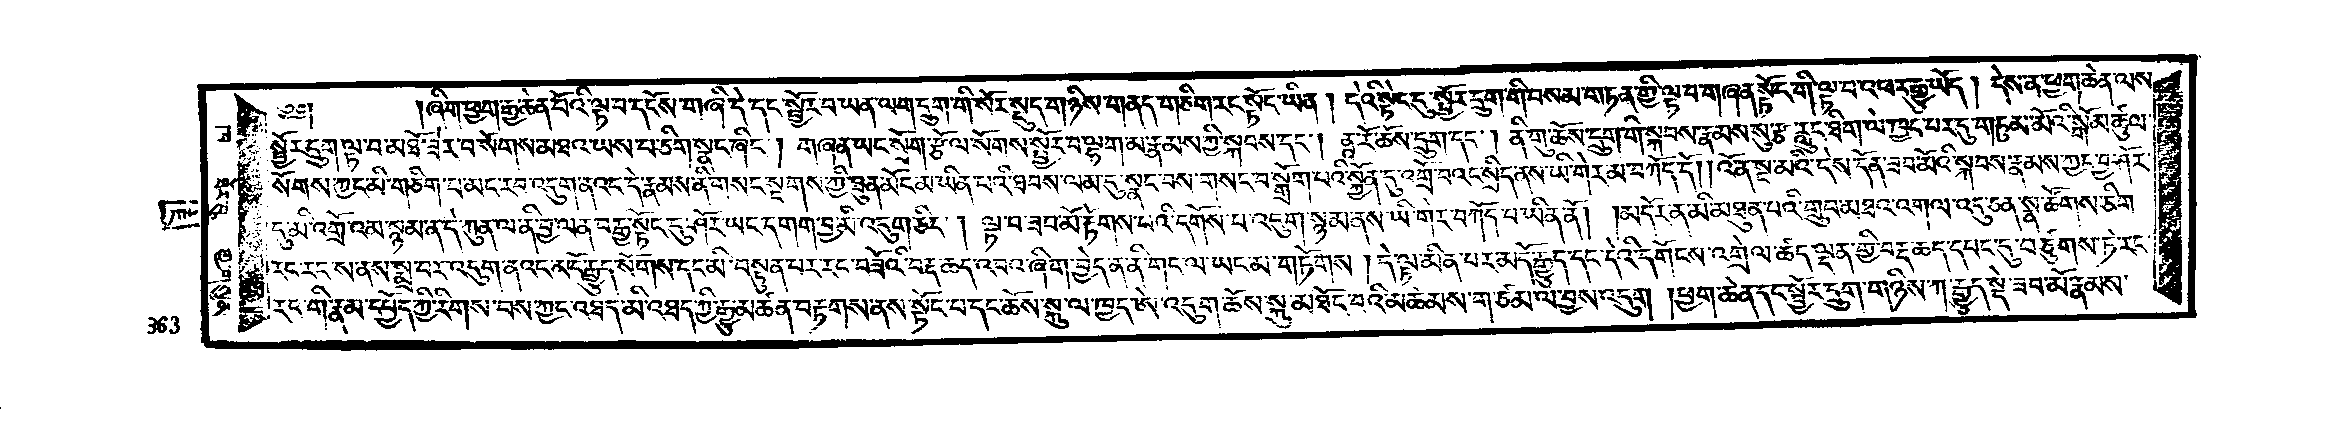༄༅། །ཞིག་ཕྱག་རྒྱ་ཆེན་པོའི་ལྟ་བ་དངོས་གཞི་དེ་དང་སྦྱོར་བ་ཡན་ལག་དྲུག་གི་སོར་སྡུད་གཉིས་གནད་གཅིག་རང་སྟོང་ཡིན། དེའི་སྟེང་དུ་སྦྱོར་དྲུག་གི་བསམ་གཏན་གྱི་ལྟ་བ་གཞན་སྟོང་གི་ལྟ་བ་འཕར་རྒྱུ་ཡོད། དེས་ན་ཕྱག་ཆེན་ལས་
སྦྱོར་དྲུག་ལྟ་བ་མཐོ་ཟེར་བ་སོགས་མཐའ་ཡས་པ་ཅིག་སྣང་ཞིང་། གཞན་ཡང་སྲོག་རྩོལ་སོགས་སྦྱོར་བ་ལྷག་མ་རྣམས་ཀྱི་སྐབས་དང་། ནཱ་རོ་ཆོས་དྲུག་དང་། ནི་གུ་ཆོས་དྲུག་གི་སྐབས་རྣམས་སུ་རྩ་རླུང་ཐིག་ལེ་ཁྱད་པར་དུ་གཏུམ་མོའི་སྒོམ་ཚུལ་
སོགས་ཀྱང་མི་གཅིག་པ་མང་རབ་འདུག་ནའང་དེ་རྣམས་ནི་གསང་སྔགས་ཀྱི་ཐུན་མོང་མ་ཡིན་པའི་ཐབས་ལམ་དུ་སྣང་བས་གསང་བ་སྒྲོག་པའི་སྐྱོན་དུ་འགྲོ་བའང་སྲིད་ནས་ཡི་གེར་མ་བཀོད་དོ། །འོ་ན་སྔ་མའི་ངེས་དོན་ཟབ་མོའི་སྐབས་རྣམས་ཀྱང་བྱ་ཤོར་
དུ་མི་འགྲོ་འམ་སྙམ་ན་དེ་ཀུན་ལ་ནི་བྱ་ལན་བརྒྱ་སྟོང་དུ་ཤོར་ཡང་དགག་བྱ་མི་འདུག་ཅིང་། ལྟ་བ་ཟབ་མོ་རྟོགས་པའི་དགོས་པ་འདུག་སྙམ་ནས་ཡི་གེར་བཀོད་པ་ཡིན་ནོ། །མདོར་ན་མི་མཐུན་པའི་གྲུབ་མཐའ་འགལ་འདུ་ཅན་སྣ་ཚོགས་ཅིག་
རང་རང་ས་ནས་སྨྲ་བར་འདུག་ནའང་མདོ་རྒྱུད་སོགས་དང་མི་བསྟུན་པར་རང་བཟོའི་བརྡ་ཆད་འབའ་ཞིག་བྱེད་ན་ནི་གང་ལ་ཡང་མ་གཏོགས། དེ་ལྟ་མིན་པར་མདོ་རྒྱུད་དང་དེའི་དགོངས་འགྲེལ་ཚད་ལྡན་གྱི་བརྡ་ཆད་དཔང་དུ་བཙུགས་ཏེ་རང་
རང་གི་རྣམ་དཔྱོད་ཀྱི་རིགས་པས་ཀྱང་འཐད་མི་འཐད་ཀྱི་རྒྱུ་མཚན་བརྟགས་ནས་སྟོང་པ་དང་ཆོས་སྐུ་ལ་ཁྱད་ཨེ་འདུག་ཆོས་སྐུ་མཐོང་བའི་མཚམས་ག་ཙམ་ལ་བྱས་འདུག །ཕྱག་ཆེན་དང་སྦྱོར་དྲུག་གཉིས་ཀ་རྒྱུད་སྡེ་ཟབ་མོ་རྣམས་